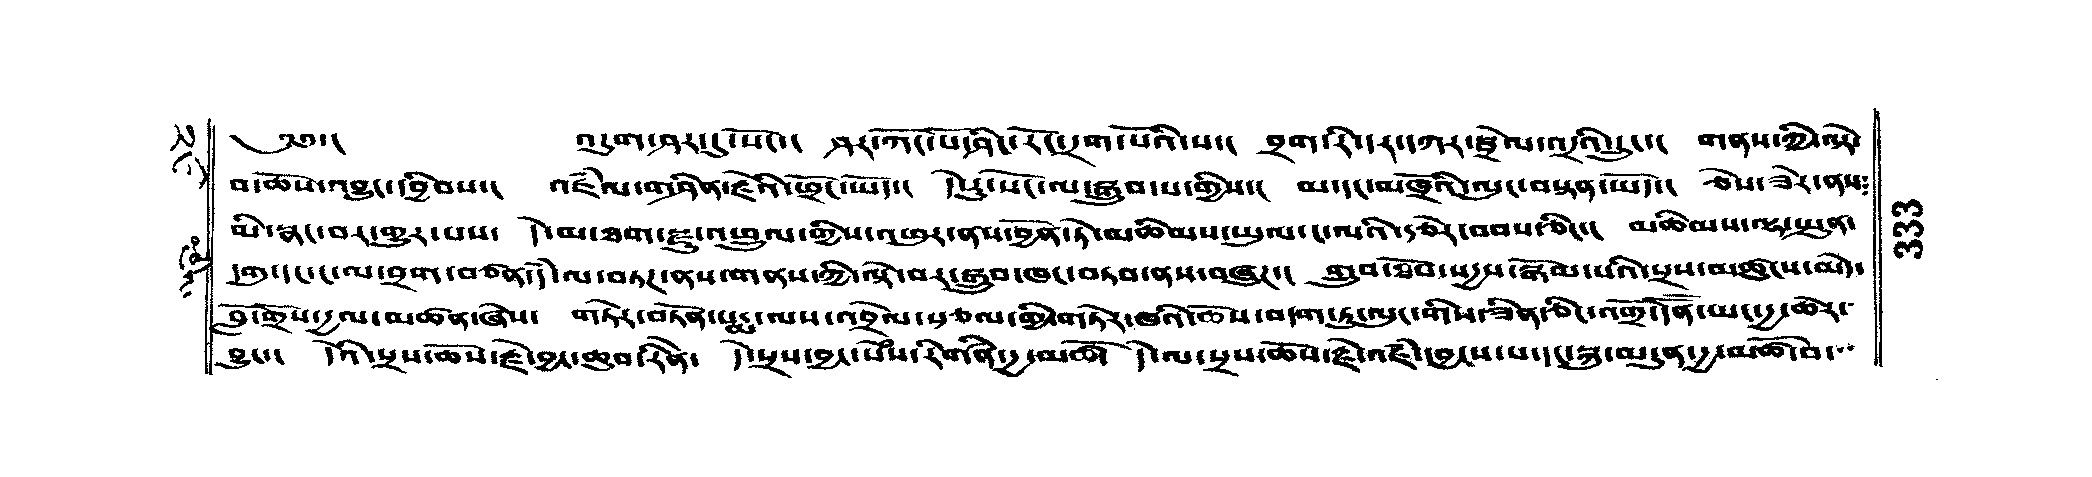འདུག་ཤར་དུ་སོང་། །ཤར་ཀོང་པོ་ཤིང་རོང་དྲག་པོའི་ས། །བྲག་རི་དར་དཀར་སྦྲེལ་འདྲའི་དྲུང་། །གནས་ཀྱི་ལྟེ་
བ་ཆོས་འབྱུང་དབྱིབས། །འཇམ་དཔལ་གཤིན་རྗེའི་ཕོ་བྲང་ཡོད། །དེ་རུ་སོང་ལ་སྒྲུབ་པ་གྱིས། །མ་དང་མཁའ་འགྲོའི་ལུང་བསྟན་ཡོད། ཅེས་ཟེར་ནས་
མི་སྣང་བར་གྱུར་པས། དེ་མ་ཐག་རྫུ་འཕྲུལ་གྱིས་འཕུར་ནས་བྱོན་ཏེ་མཆིམས་ཡུལ་ང་ལའི་རྩེར་བབས་ཅིང་། མཆིམས་ལྷ་སྤུན་
དགུ་དང་ང་ལ་བྲག་བཙན་དམ་ལ་བཏགས་ནས་གནས་ཀྱི་ལྟེ་བར་སྒྲུབ་ཁང་བཏབ་ནས་བཞུགས། གྲུབ་ཐོབ་སངས་རྒྱས་སྒོམ་པའི་སྲས་མཚུངས་མེད་
བློ་གྲོས་རྒྱལ་མཚན་ཞེས། གཏེར་སྟོན་པདྨ་ལས་འབྲེལ་སྩལ་གྱི་གཏེར་ཁའི་ཆོས་བདག་ཏུ་ལུང་གི་ཟིན་ཅིང་འགྲོ་དོན་ཡང་རྒྱ་ཆེར་
བྱུང་། དེའི་སྲས་ཆོས་རྗེ་བྱང་ཆུབ་རིན་ཆེན། དེ་སྲས་བྱང་སེམས་རིག་འཛིན་རྒྱ་མཚོ། དེ་ལ་སྲས་ཆོས་རྗེ་འཇམ་དབྱངས་པ་དང་སྐུ་མདུན་རྒྱ་མཚོ་བ་